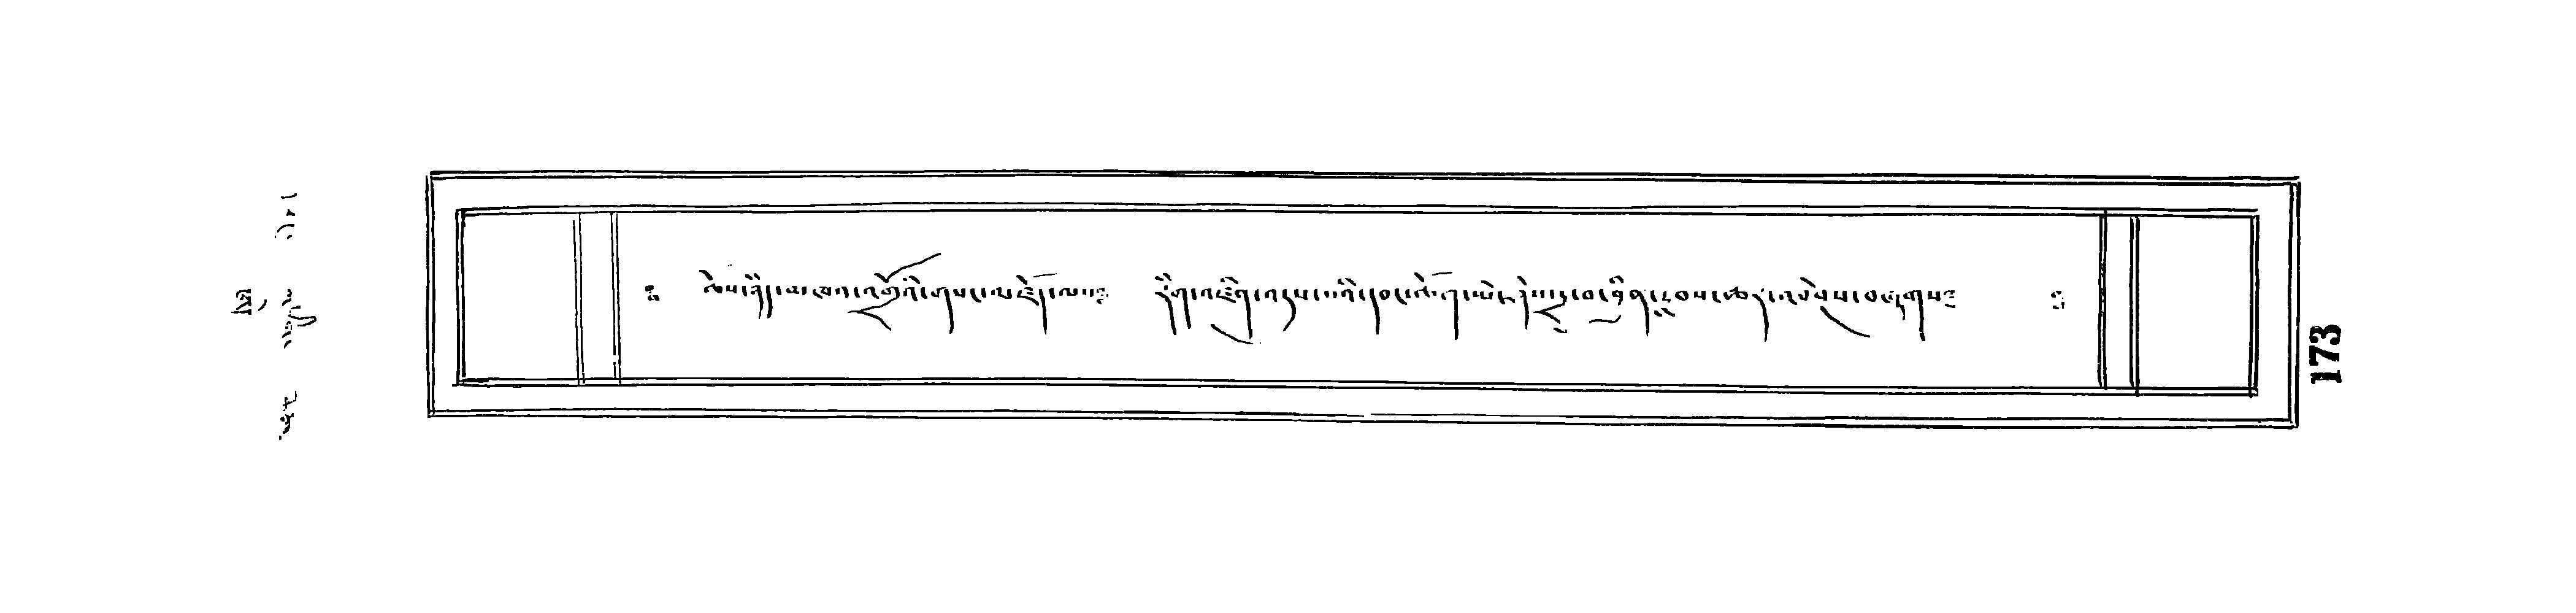ཆོས་ཉིད་མཁའ་འགྲོའི་གསང་མཛོད་ལས༔ རིག་འཛིན་འདུས་པའི་དབང་ཆོག་ཡེ་ཤེས་དྲྭ་བ་བྱིན་རླབས་ཆར་འབེབས་བཞུགས༔